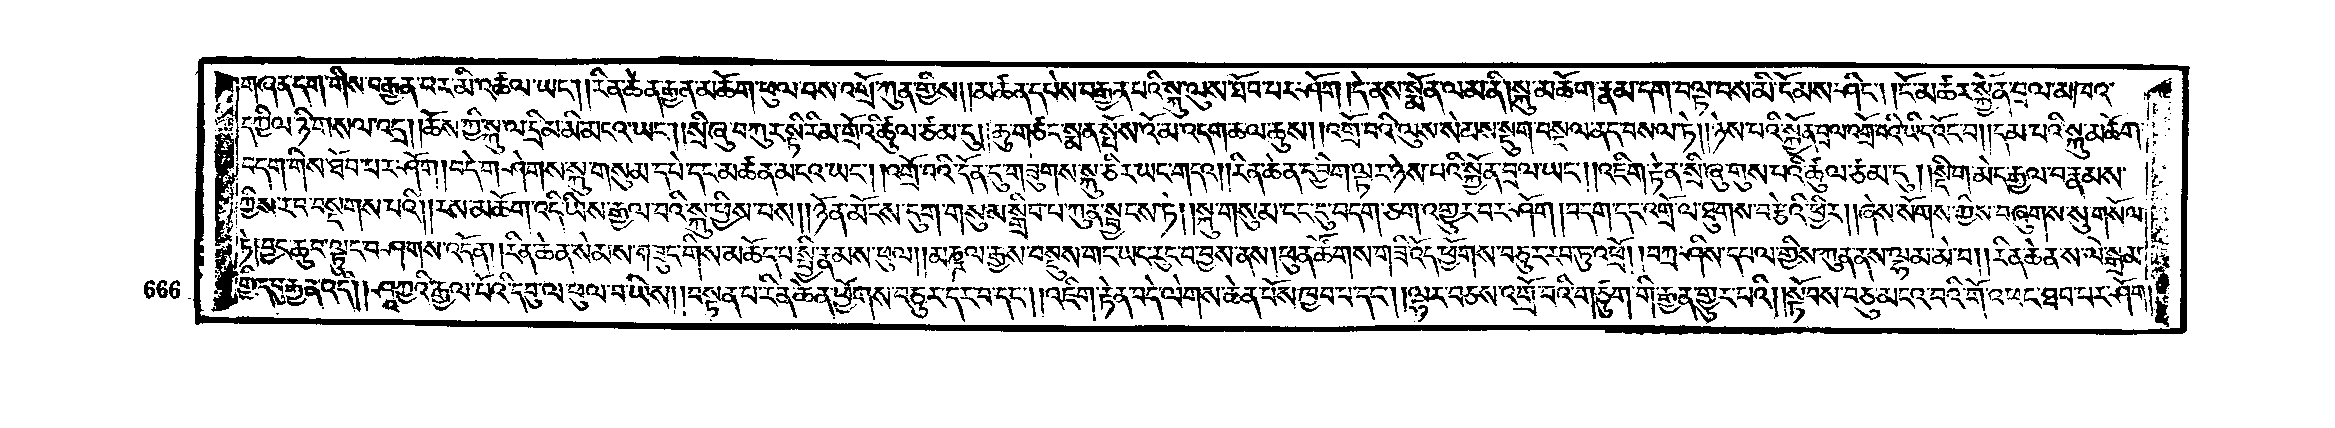གཞན་དག་གིས་བརྒྱན་པར་མི་འཚལ་ཡང་། །རིན་ཆེན་རྒྱན་མཆོག་ཕུལ་བས་འགྲོ་ཀུན་གྱིས། །མཚན་དཔེས་བརྒྱན་པའི་སྐུ་ལུས་ཐོབ་པར་ཤོག །དེ་ནས་སྨོན་ལམ་ནི། སྐུ་མཆོག་རྣམ་དག་བལྟ་བས་མི་ངོམས་ཤིང་། །ངོ་མཚར་སྐྱོན་བྲལ་མཁའ་
དབྱིལ་ཉི་གསལ་འདྲ། །ཆོས་ཀྱི་སྐུ་ལ་དྲི་མ་མི་མངའ་ཡང་། །སྲི་ཞུ་བཀུར་སྟི་རིམ་གྲོའི་ཚུལ་ཙམ་དུ། །ཆུ་གཏང་སྨན་སྤོས་འོ་མ་འདག་ཚལ་ཆུས། །འགྲོ་བའི་ལུས་སེམས་སྡུག་བསྔལ་ནད་བསལ་ཏེ། །ཉེས་པའི་སྐྱོན་བྲལ་འགྲོ་བའི་ཡིད་འོང་བ། །དམ་པའི་སྐུ་མཆོག་
བདག་གིས་ཐོབ་པར་ཤོག །བདེ་གཤེགས་སྐུ་གསུམ་དཔེ་དང་མཚན་མངའ་ཡང་། །འགྲོ་བའི་དོན་དུ་གཟུགས་སྐུ་ཅིར་ཡང་གདའ། །རིན་ཆེན་དབྱིག་ལྟར་ཉེས་པའི་སྐྱོན་བྲལ་ཡང་། །འཇིག་རྟེན་སྲི་ཞུ་གུས་པའི་ཚུལ་ཙམ་དུ། །སྡིག་མེད་རྒྱལ་བ་རྣམས་
ཀྱིས་རབ་བསྔགས་པའི། །རས་མཆོག་འདི་ཡིས་རྒྱལ་བའི་སྐུ་ཕྱིས་པས། །ཉོན་མོངས་དུག་གསུམ་སྒྲིབ་པ་ཀུན་སྦྱངས་ཏེ། །སྐུ་གསུམ་ངང་དུ་བདག་ཅག་འགྱུར་བར་ཤོག །བདག་དང་འགྲོ་ལ་ཐུགས་བརྩེའི་ཕྱིར། །ཞེས་སོགས་ཀྱིས་བཞུགས་སུ་གསོལ་
ཏེ། བྱང་ཆུབ་ལྟུང་བཤགས་འདོན། །རིན་ཆེན་སེམས་གཟུང་གིས་མཆོད་པ་སྤྱི་རྣམས་ཕུལ། །མཎྜལ་རྒྱས་བསྡུས་གང་ཡང་རུང་བ་བྱས་ནས། ཕུན་ཚོགས་གཟི་འོད་ཕྱོགས་བཅུར་རབ་ཏུ་འཕྲོ། །བཀྲ་ཤིས་དཔལ་གྱིས་ཀུན་ནས་ལྷམ་མེ་བ། །རིན་ཆེན་ས་ལ་སྒྲམ་
གྱི་དབུ་རྒྱན་འདི། །ཤཱཀྱའི་རྒྱལ་པོའི་དབུ་ལ་ཕུལ་བ་ཡིས། །བསྟན་པ་རིན་ཆེན་ཕྱོགས་བཅུར་དར་བ་དང་། །འཇིག་རྟེན་བདེ་ལེགས་ཆེན་པོས་ཁྱབ་པ་དང་། །ལྷར་བཅས་འགྲོ་བའི་གཙུག་གི་རྒྱན་གྱུར་པའི། །སྟོབས་བཅུ་མངའ་བའི་གོ་འཕང་ཐོབ་པར་ཤོག།